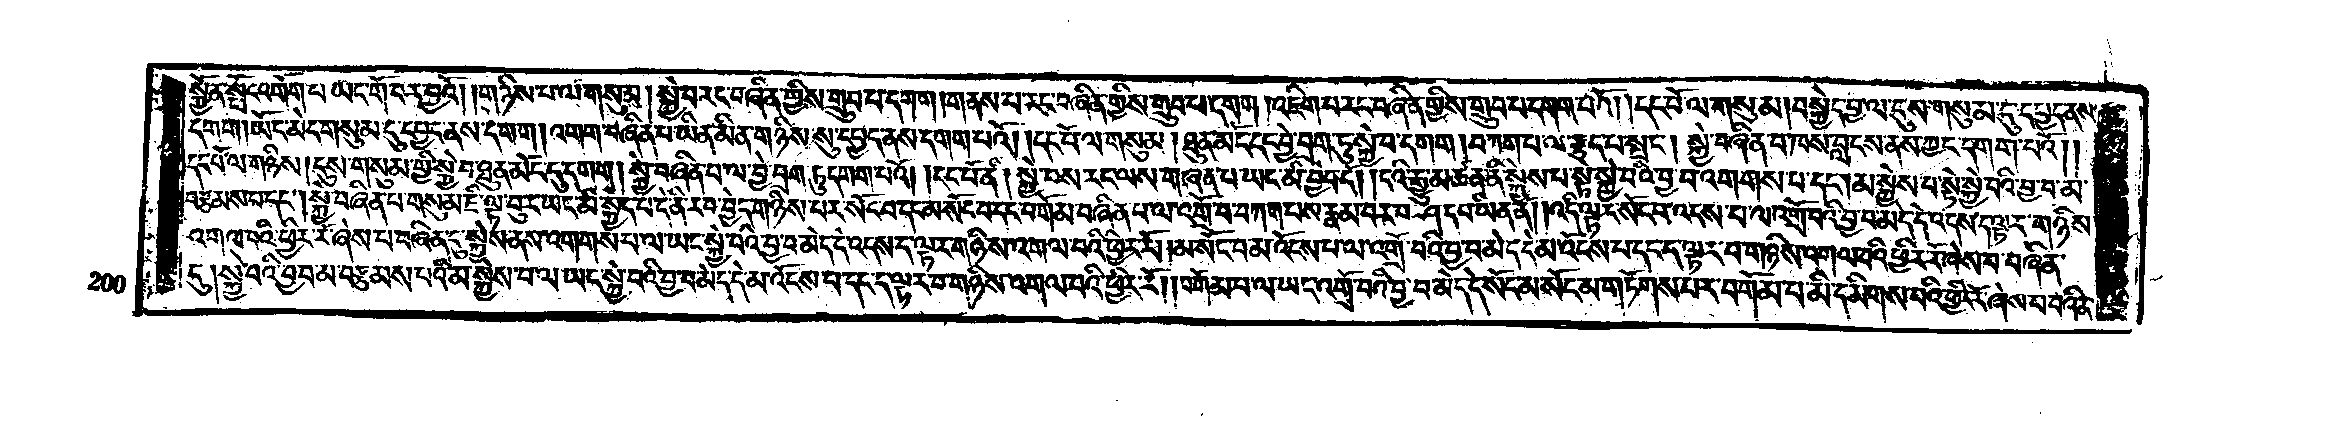སྐྱོན་སྤོང་འགོག་པ་ཡང་གོ་བར་བྱའོ། །གཉིས་པ་ལ་གསུམ། སྐྱེ་བ་རང་བཞིན་གྱིས་གྲུབ་པ་དགག །གནས་པ་རང་བཞིན་གྱིས་གྲུབ་པ་དགག། འཇིག་པ་རང་བཞིན་གྱིས་གྲུབ་པ་དགག་པའོ། །དང་པོ་ལ་གསུམ་། བསྐྱེད་བྱ་ལ་དུས་གསུམ་དུ་དཔྱད་ནས་
དགག། ཡོད་མེད་གསུམ་དུ་དཔྱད་ནས་དགག། འགག་བཞིན་པ་ཡིན་མིན་གཉིས་སུ་དཔྱད་ནས་དགག་པའོ། །དང་པོ་ལ་གསུམ་།ཐུན་མད་དང་བྱེ་བྲག་ཏུ་སྐྱེ་བ་དགག། བཀག་པ་ལ་རྩད་པ་སྤང་། སྐྱེ་བཞིན་བ་ཁས་ལྣགས་ནས་ཀྱང་དགག་པའོ། །
དང་པོ་ལ་གཉིས། དུས་གྲུ་གསུམ་གྱི་སྐྱེ་བ་ཐུན་མོང་དུ་དགག། སྐྱེ་བཞིན་པ་ལ་བྱེ་བྲག་ཏུ་དགག་པའོ། །དང་པོ་ནི། སྐྱེ་བས་རང་ལས་གཞན་པ་ཡང་མི་བྱེད་དོ། །དའི་རྒྱུ་མཚན་ནི་སྐྱེས་པ་སྟེ་སྐྱེ་བའི་བྱ་བ་འགགས་པ་དང་། མ་སྐྱེས་པ་སྟེ་སྐྱེ་པའི་བྱ་བ་མ་
བརྩམས་པ་དང་། སྐྱེ་བཞིན་པ་གསུམ་ཇི་ལྟ་བུར་ཡང་མི་སྐྱེད་བ་དེ་ནི་རབ་བྱེད་གཉིས་པར་སོང་བ་དང་མ་སོང་བ་དང་བགོམ་བཞིན་པ་ལ་འགོ་པ་བཀག་པས་རྣམ་པར་བཤད་པ་ཡིན་ནོ། །འདི་ལྟར་སོང་བ་འདས་པ་ལ་འགྲོ་བའི་བྱ་བ་མད་དེ་འདས་ད་ལྟར་གཉིས་
འགལ་བའི་ཕྱིར་རོ་ཞེས་པ་བཞིན་དུ་སྐྱེས་ནས་འགགས་པ་ལ་ཡང་སྐྱེ་བའི་བྱ་བ་མེད་དེ་འདས་ད་ལྟར་གཉིས་འགལ་བའི་ཕྱིར་རོ། །མ་སོང་བ་མ་འོངས་པ་ལ་འགྲ་བའི་བྱ་བ་མེད་དེ་མ་འོངས་པ་དང་ད་ལྟར་བ་གཉིས་འགལ་བའི་ཕྱིར་རོ་ཞེས་པ་བཞིན་
དུ་།སྐྱེ་བའི་བྱ་བ་མ་བརྩམས་པའི་མ་སྐྱེས་བ་ལ་ཡང་སྐྱེ་བའི་བྱ་བ་མེད་དེ་མ་འོངས་པ་དང་ད་ལྟར་བ་གཉིས་འགལ་བའི་ཕྱིར་རོ། །བགོམ་པ་ལ་ཡང་འགྲོ་བའི་བྱ་བ་མེད་དེ་སོང་མ་སོང་མ་སོང་མ་གཏོགས་པར་བགོམ་པ་མི་དམིགས་པའི་ཕྱིར་རོ་ཞེ་པ་བཞིན་